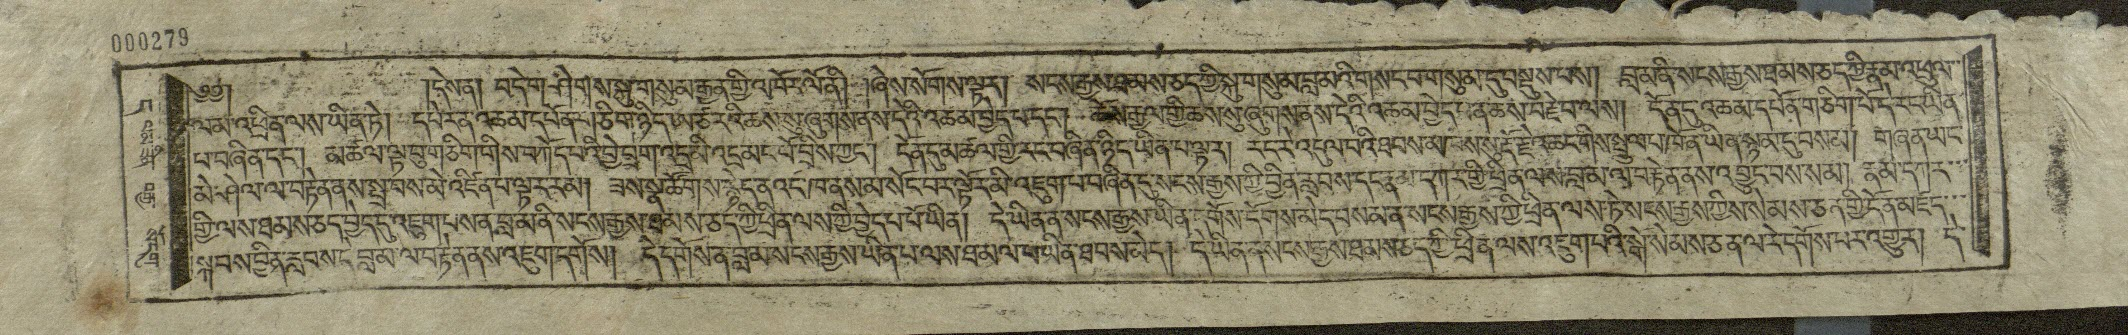༄༅། །དེས་ན། བདེ་གཤེགས་སྐུ་གསུམ་རྒྱན་གྱི་འཁོར་ལོ་ནི། །ཞེས་སོགས་ལྟར། སངས་རྒྱས་ཐམས་ཅད་ཀྱི་སྐུ་གསུམ་བླ་མའི་གསང་བ་གསུམ་དུ་བསྡུས་པས། བླ་མ་ནི་སངས་རྒྱས་ཐམས་ཅད་ཀྱི་རྣམ་འཕྲུལ་
ལམ་འཕྲིན་ལས་ཡིན་ཏེ། དཔེར་ན་འཆམ་དཔོན་གཅིག་ཉིད་ཨ་ཙ་རའི་ཆས་སུ་ཞུགས་ནས་དེའི་འཆམ་བྱེད་པ་དང་། ཆོས་རྒྱལ་གྱི་ཆས་སུ་ཞུགས་ནས་དེའི་འཆམ་བྱེད་པ་ན་ཆས་བརྗེ་བ་ལས། དོན་དུ་འཆམ་དཔོན་གཅིག་པོ་དེ་རང་ཡིན་
པ་བཞིན་དང་། མཚལ་ལྟ་བུ་གཅིག་གིས་བཀོད་པའི་བྱེ་བྲག་འདྲ་མི་འདྲ་མང་པོ་བྲིས་ཀྱང་། དོན་དུ་མཚལ་གྱི་རང་བཞིན་ཉིད་ཡིན་པ་ལྟར། རང་རེ་འདུལ་བའི་ཐབས་མཁས་སུ་རྡོ་རྗེ་འཆང་གིས་སྤྲུལ་པ་ཁོ་ན་ཡིན་སྙམ་དུ་བསམ། གཞན་ཡང་
མེ་ཤེལ་ལ་བརྟེན་ནས་སྤྲ་བས་མེ་འཛིན་པ་ལྟར་རམ། ཟས་སྣ་ཚོགས་རྙེད་ནའང་ཁ་ནས་མ་སོང་བར་ལྟོར་མི་འཇུག་པ་བཞིན་དུ་སངས་རྒྱས་ཀྱི་བྱིན་རླབས་དང་རྣམ་དཀར་གྱི་ཕྲིན་ལས་བླ་མ་ལ་བརྟེན་ནས་འབྱུང་བས་སམ། རྣམ་དཀར་
གྱི་ལས་ཐམས་ཅད་བྱེད་དུ་འཇུག་པས་ན་བླ་མ་ནི་སངས་རྒྱས་ཐམས་ཅད་ཀྱི་ཕྲིན་ལས་ཀྱི་བྱེད་པ་པོ་ཡིན། དེ་ཡིན་ན་སངས་རྒྱས་ཡིན་དགོས་དོགས་མེད་བསམ་ན་སངས་རྒྱས་ཀྱི་ཕྲིན་ལས་ཏེ་སངས་རྒྱས་ཀྱིས་སེམས་ཅན་གྱི་དོན་མཛད་
སྐབས་བྱིན་རླབས་དེ་བླ་མ་ལ་བརྟེན་ནས་འཇུག་དགོས། དེ་དགོས་ན་བླ་མ་སངས་རྒྱས་ཡིན་པ་ལས་ཐ་མལ་པ་ཡིན་ཐབས་མེད། དེ་ཡིན་ན་སངས་རྒྱས་ཐམས་ཅད་ཀྱི་ཕྲིན་ལས་འཇུག་པའི་སྒོ་སེམས་ཅན་ལ་རེ་དགོས་པར་འགྱུར། དེ་